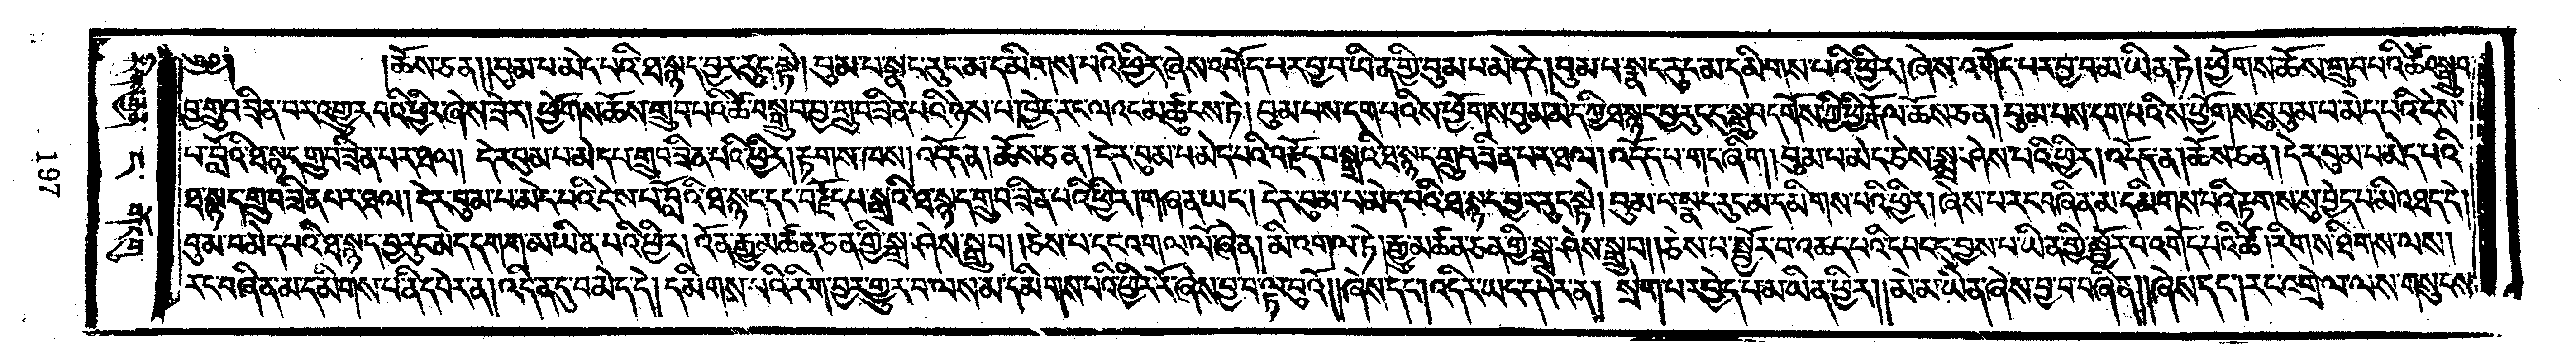༄༅། །ཆོས་ཅན། བུམ་པ་མེད་པའི་ཐ་སྙད་བྱར་རུང་སྟེ། བུམ་པ་སྣང་རུང་མ་དམིགས་པའི་ཕྱིར་ཞེས་འགོད་པར་བྱ་བ་ཡིན་གྱི་བུམ་པ་མེད་དེ། བུམ་པ་སྣང་རུང་མ་དམིགས་པའི་ཕྱིར། ཞེས་འགོད་པར་བྱ་བ་མ་ཡིན་ཏེ། ཕྱོགས་ཆོས་གྲུབ་པའི་ཚེ་བསྒྲུབ་
བྱ་གྲུབ་ཟིན་པར་འགྱུར་པའི་ཕྱིར་ཞེས་ཟེར། ཕྱོགས་ཆོས་གྲུབ་པའི་ཚེ་བསྒྲུབ་བྱ་གྲུབ་ཟིན་པའི་ཉེས་པ་ཁྱེད་རང་ལའང་མཚུངས་ཏེ། བུམ་པས་དག་པའི་ས་ཕྱོགས་བུམ་མེད་ཀྱི་ཐ་སྙད་བྱ་རུང་དུ་སྒྲུབ་དགོས་ཀྱི་ཕྱི་རྒོལ་ཆོས་ཅན། བུམ་པས་དག་པའི་ས་ཕྱོགས་སུ་བུམ་པ་མེད་པའི་ངེས་
པ་བློའི་ཐ་སྙད་གྲུབ་ཟིན་པར་ཐལ། དེར་བུམ་པ་མེད་པ་གྲུབ་ཟིན་པའི་ཕྱིར། རྟགས་ཁས། འདོད་ན། ཆོས་ཅན། དེར་བུམ་པ་མེད་པའི་བརྗོད་པ་སྒྲའི་ཐ་སྙད་གྲུབ་ཟིན་པར་ཐལ། འདོད་པ་གང་ཞིག །བུམ་པ་མེད་ཅེས་སྨྲ་ཤེས་པའི་ཕྱིར། འདོད་ན། ཆོས་ཅན། དེར་བུམ་པ་མེད་པའི་
ཐ་སྙད་གྲུབ་ཟིན་པར་ཐལ། དེར་བུམ་པ་མེད་པའི་ངེས་པ་བློའི་ཐ་སྙད་དང་བརྗོད་པ་སྒྲའི་ཐ་སྙད་གྲུབ་ཟིན་པའི་ཕྱིར། གཞན་ཡང་། དེར་བུམ་པ་མེད་པའི་ཐ་སྙད་བྱར་རུང་སྟེ། བུམ་པ་སྣང་རུང་མ་དམིགས་པའི་ཕྱིར། ཞེས་པ་རང་བཞིན་མ་དམིགས་པའི་རྟགས་སུ་བྱེད་པ་མི་འཐད་དེ།
བུམ་པ་མེད་པའི་ཐ་སྙད་བྱ་རུང་མེད་དགག་མ་ཡིན་པའི་ཕྱིར། འོ་ན་རྒྱུ་མཚན་ཅན་གྱི་སྒྲ་ཤེས་སྒྲུབ། །ཅེས་པ་དང་འགལ་ལོ་ཞེ་ན། མི་འགལ་ཏེ། རྒྱུ་མཚན་ཅན་གྱི་སྒྲ་ཤེས་སྒྲུབ། །ཅེས་པ་སྦྱོར་བ་འཆད་པའི་དབང་དུ་བྱས་པ་ཡིན་གྱི་སྦྱོར་བ་འགོད་པའི་ཚེ། རིགས་ཐིགས་ལས།
རང་བཞིན་མ་དམིགས་པ་ནི་དཔེར་ན། འདི་ན་དུ་བ་མེད་དེ། དམིགས་པའི་རིག་བྱར་གྱུར་བ་ལས་མ་དམིགས་པའི་ཕྱིར་རོ་ཞེས་བྱ་བ་ལྟ་བུའོ། །ཞེས་དང་འདིར་ཡང་དཔེར་ན། སྲེག་པར་བྱེད་པ་མ་ཡིན་ཕྱིར། །མེ་མ་ཡིན་ཞེས་བྱ་བ་བཞིན། །ཞེས་དང་། རང་འགྲེལ་ལས་གསུངས་